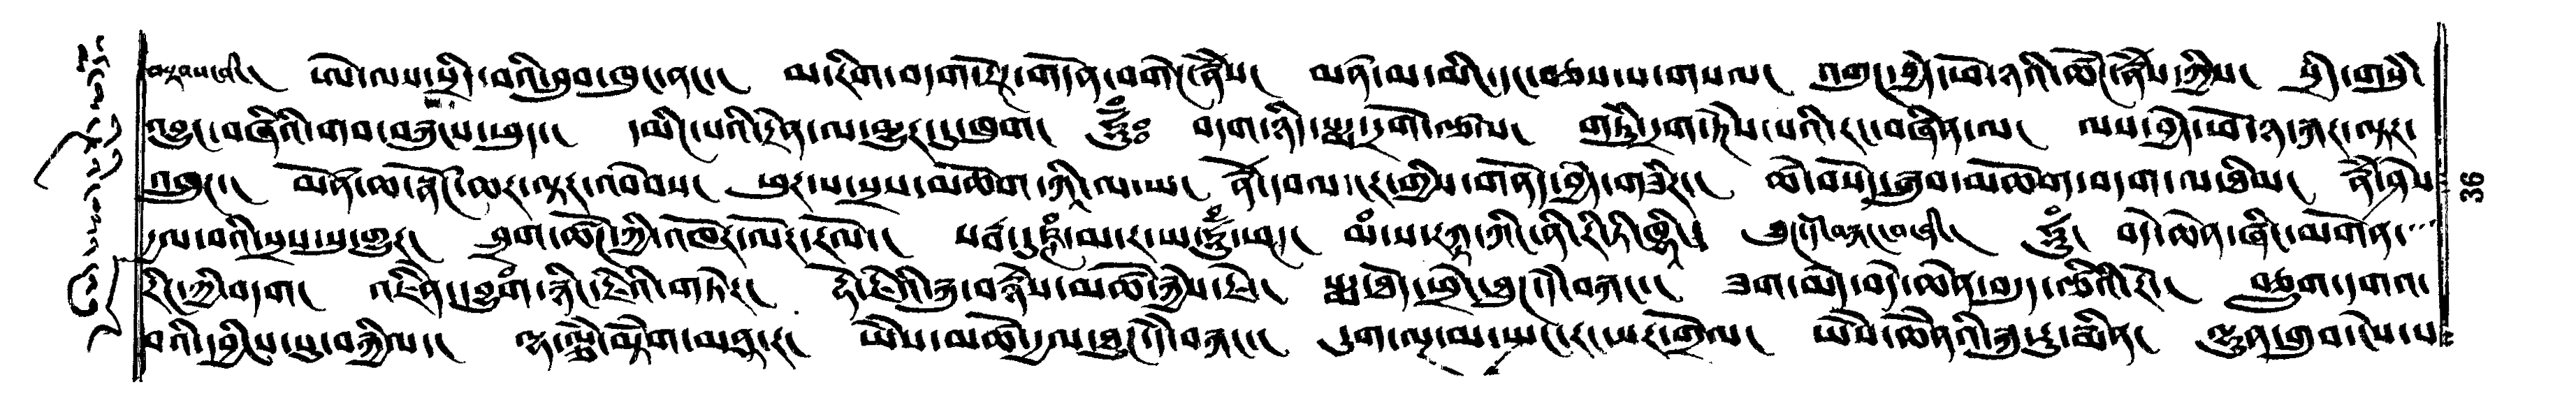བསྟབས་ནི། ཨེ་ལས་སྲིད་པའི་བྲུབ་ཁུང་ནང་། །མ་རིག་བདག་རྟོག་གདོན་བགེགས་རྣམས། །མཚན་མ་མིང་དང་བཅས་པ་གསལ། །འགུགས་བྱེད་ཕོ་ཉའི་ཚོགས་རྣམས་ཀྱིས། །སྲིད་གསུམ་
འབྱུང་བཞིའི་གབ་བསྐུངས་ཕུད། །དམིགས་པའི་རྟེན་ལ་མྱུར་དུ་ཁུག ཧཱུྃ། བདག་ཉིད་པདྨ་དྲག་པོ་རྩལ། །གཏུམ་དྲག་རྔམས་པའི་རང་བཞིན་ལ། །ལས་བྱེད་ཕོ་ཉ་སྐར་ལྟར་
འཁྲུགས། །མཚོན་ཆ་སྣ་ཚོགས་ཆར་ལྟར་འབེབས། །ཕུར་པ་སྲས་མཆོག་ཀཱི་ལ་ཡ། །རྣོ་དབལ་ངར་གྱིས་གནོད་བྱེད་གཟིར། །ཚེ་བསོད་སྒྲུབ་མཆོག་བདག་ལ་ཐིམ། །རྣམ་ཤེས་
རྒྱལ་བའི་སྲས་སུ་གྱུར། །ཤ་ཁྲག་ཚོགས་ཀྱི་འཁོར་ལོར་རོལ།སརྦ་དུཥྚཾ་མ་ར་ཡ་ཧཱུྃ་ཕཊཿ མཾ་ས་རཀྟ་ཀིང་ནི་རི་ཏི་ཁཱ་ཧིཿ ཐུགས་དམ་བསྐང་བ་ནི། ཧཱུྃ། བདེ་ཆེན་ཞིང་མགོན་
རིགས་ཀྱི་བདག །འཇིག་རྟེན་དབང་ཕྱུག་སྙིང་རྗེའི་གཏེར། །རྡོ་རྗེའི་སྐུ་བརྙེས་མཚོ་སྐྱེས་རྗེ། །པདྨ་ཐོད་ཕྲེང་ཐུགས་དམ་བསྐང་། །ཟག་མེད་བདེ་ཆེན་བདུད་རྩིའི་རོ། །བཅུ་དྲུག་དགའ་
བའི་དབྱིངས་སུ་བསྐྱིལ། །ལྷ་ལྕམ་མེ་ཏོག་མནྡ་ར། །ཡེ་ཤེས་མཚོ་རྒྱལ་ཐུགས་དམ་བསྐང་། །དུག་ལྔ་མ་སྤངས་རང་སར་གྲོལ། །ཡེ་ཤེས་ཆེན་པོའི་སྐུ་རུ་སྨིན། །ལྷུན་གྲུབ་ངེས་པ་